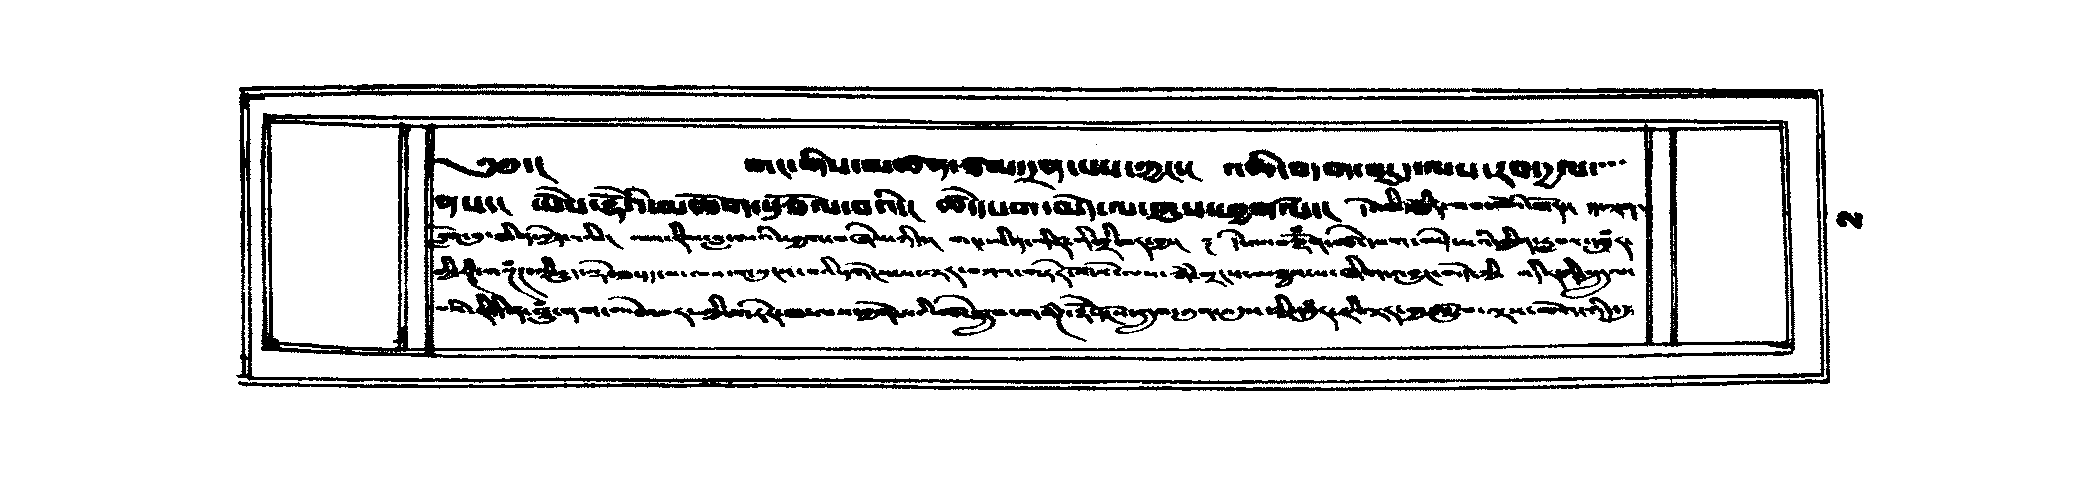༄༅། གང་གིས་མཚན་ཙམ་དྲན་པས་ཀྱང་། འཆི་བདག་བདུད་ལས་རབ་རྒྱལ་
ནས། ཡེ་ཤེས་རྡོ་རྗེའི་མཆོག་སྩོལ་བའི། ཚེ་དཔག་མེད་ལ་གུས་ཕྱག་འཚལ། དེའི་་་་་་་་དད་ལྡན་
སློན་བུ་སྦྱིན་བྱེད་པའི། ལས་རིམ་བླ་མའི་ཕྱག་བཞེས་ཉིད། གང་ཡིན་འདིར་ནི་བྲི་བར་བྱ། ༈ དེ་ལ་བཅོམ་ལྡན་ཚེ་དཔག་མེད་པའི་བྱིན་རླབས་དབང་བསྐུར་
གྱི་རིག་འཛིན་ཧཱུ༡་ནག་མེ་འབར་གྱི་གཏེར་ཁ་ལས་བྱོན་པའི་ཚེ་སྒྲུབ་གནམ་ལྕགས་རྡོ་རྗེ་དངོས་གྲུབ་ཀུན་དབང་བསྐུར་ཇི་ལྟར་བྱ་ཚུལ་ལྟས་ཆོག་ཉིད་དུ་དྲུག་
པའི་ཇིའི་ཞུ་ནས་ལོ་འཁར་གཏེར་མ་ལས་མགྱོན་ལོ་སྒྲུབ་རྣམས་སྐབས་སྲུང་ཀྱི་ཕུར་ཇི་ལྟར་ཀུན་རྫོགས་་ལྟས་མིའི་དབུ་